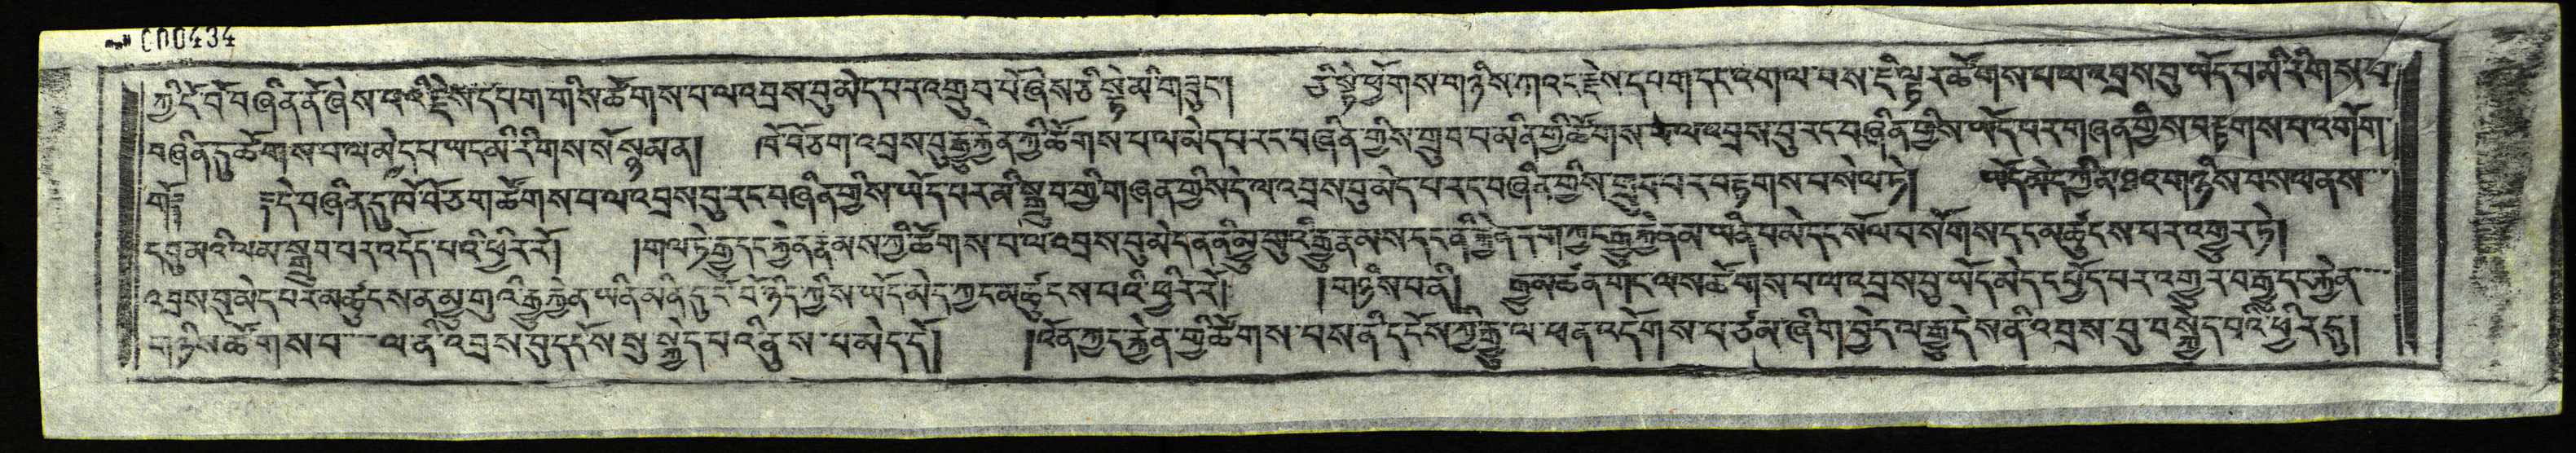ཀྱི་ངོ་བོ་བཞིན་ནོ་ཞེས་པའི་རྗེས་དཔག་གིས་ཚོགས་པ་ལ་འབྲས་བུ་མེད་པར་འགྲུབ་བོ་ཞེས་ཅི་སྟེ་མི་གཟུང་། ཅི་སྟེ་ཕྱོགས་གཉིས་ཀའང་རྗེས་དཔག་དང་འགལ་བས་ཇི་ལྟར་ཚོགས་པ་ལ་འབྲས་བུ་ཡོད་པ་མི་རིགས་པ་
བཞིན་དུ་ཚོགས་པ་ལ་མེད་པ་ཡང་མི་རིགས་སོ་སྙམ་ན། ཁོ་བོ་ཅག་འབྲས་བུ་རྒྱུ་རྐྱེན་ཀྱི་ཚོགས་པ་ལ་མེད་པ་རང་བཞིན་གྱིས་གྲུབ་པ་མིན་གྱི་ཚོགས་པ་ལ་འབྲས་བུ་རང་བཞིན་གྱིས་ཡོད་པར་གཞན་གྱིས་བརྟགས་པ་འགོག་
གོ༑ ༑དེ་བཞིན་དུ་ཁོ་བོ་ཅག་ཚོགས་པ་ལ་འབྲས་བུ་རང་བཞིན་གྱིས་ཡོད་པར་མི་སྒྲུབ་གྱི་གཞན་གྱིས་དེ་ལ་འབྲས་བུ་མེད་པ་རང་བཞིན་གྱིས་གྲུབ་པར་བརྟགས་པ་སེལ་ཏེ། ཡོད་མེད་ཀྱི་མཐའ་གཉིས་བསལ་ནས་
དབུ་མའི་ལམ་སྒྲུབ་བར་འདོད་པའི་ཕྱིར་རོ། །གལ་ཏེ་རྒྱུ་དང་རྐྱེན་རྣམས་ཀྱི་ཚོགས་བ་ལ་འབྲས་བུ་མེད་ན་ནི་མྱུ་གུའི་རྒྱུ་རྣམས་དང་ནི་རྐྱེན་དག་ཀྱང་རྒྱུ་རྐྱེན་མ་ཡིན་པ་མེ་དང་སོལ་བ་སོགས་དང་མཚུངས་པར་འགྱུར་ཏེ།
འབྲས་བུ་མེད་པར་མཚུངས་ན་མྱུ་གུའི་རྒྱུ་རྐྱེན་ཡིན་མིན་དུ་ངོ་བོ་ཉིད་ཀྱིས་ཡོད་མེད་ཀྱང་མཚུངས་པའི་ཕྱིར་རོ། །གཉིས་པ་ནི། རྒྱུ་མཚན་གང་ལས་ཚོགས་པ་ལ་འབྲས་བུ་ཡོད་མེད་དཔྱོད་པར་འགྱུར་བ་རྒྱུ་དང་རྐྱེན་
གཉིས་ཚོགས་པ་ལ་ནི་འབྲས་བུ་དངོས་སུ་སྐྱེད་པའི་ནུས་པ་མེད་དོ། །འོན་ཀྱང་རྐྱེན་གྱི་ཚོགས་པས་ནི་དངོས་ཀྱི་རྒྱུ་ལ་ཕན་འདོགས་པ་ཙམ་ཞིག་བྱེད་ལ་རྒྱུ་དེས་ནི་འབྲས་བུ་བསྐྱེད་པའི་ཕྱིར་དུ།